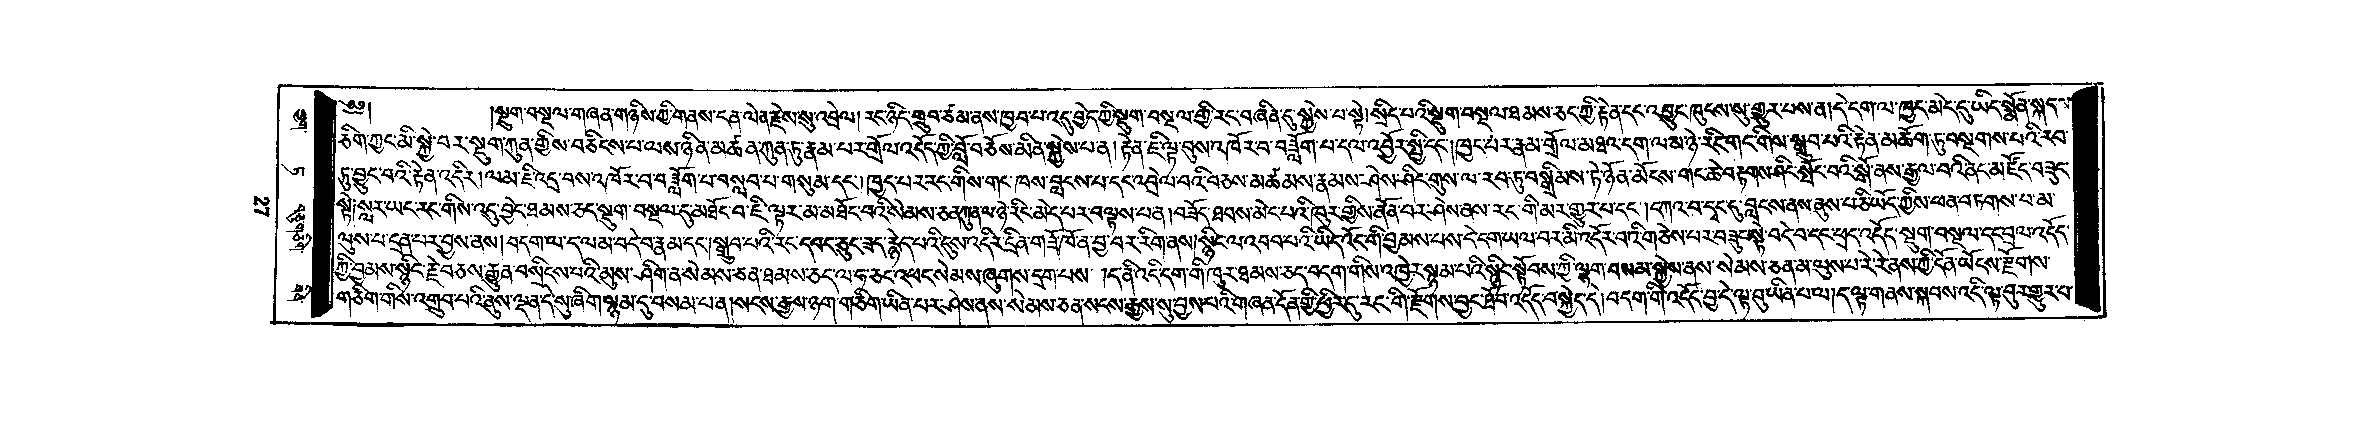༄༅། །སྡུག་བསྔལ་གཞན་གཉིས་ཀྱི་གནས་ངན་ལེན་རྗེས་སུ་འབྲེལ། རང་ཉིད་གྲུབ་ཙམ་ནས་ཁྱབ་པ་འདུ་བྱེད་ཀྱི་སྡུག་བསྔལ་གྱི་རང་བཞིན་དུ་སྐྱེས་པ་སྟེ། སྲིད་པའི་སྡུག་བསྔལ་ཐམས་ཅད་ཀྱི་རྟེན་དང་འབྱུང་ཁུངས་སུ་གྱུར་པས་ན། དེ་དག་ལ་ཁྱད་མེད་དུ་ཡིད་སྨོན་སྐད་
ཅིག་ཀྱང་མི་སྐྱེ་བར་སྡུག་ཀུན་གྱིས་བཅིངས་པ་ལས་ཉིན་མཚན་ཀུན་ཏུ་རྣམ་པར་གྲོལ་འདོད་ཀྱི་བློ་བཅོས་མིན་སྐྱེས་པ་ན། རྟེན་ཇི་ལྟ་བུས་འཁོར་བ་བཟློག་པ་དལ་འབྱོར་སྤྱི་དང་། ཁྱད་པར་རྣམ་གྲོལ་མཐའ་དག་ལ་མ་ཉེ་རིང་གང་གིས་སྒྲུབ་པའི་རྟེན་མཆོག་ཏུ་བསྔགས་པའི་རབ་
ཏུ་བྱུང་བའི་རྟེན་འདིར། ལམ་ཇི་འདྲ་བས་འཁོར་བ་བཟློག་པ་བསླབ་པ་གསུམ་དང་། ཁྱད་པར་རང་གིས་གང་ཁས་བླངས་པ་དང་འབྲེལ་བའི་བཅས་མཚམས་རྣམས་ཤེས་ཤིང་གུས་ལ་རབ་ཏུ་བསྒྲིམས་ཏེ་ཉོན་མོངས་གང་ཆེ་བརྟགས་ཤིང་སྤོང་བའི་སྒོ་ནས་རྒྱལ་བའི་ནང་མཛོད་བཟུང་
སྟེ། སླར་ཡང་རང་གིས་འདུ་བྱེད་ཐམས་ཅད་སྡུག་བསྔལ་དུ་མཐོང་བ་ཇི་ལྟར་མ་མཐོང་པའི་སེམས་ཅན་ཀུན་ལ་ཉེ་རིང་མེད་པར་བལྟས་པ་ན། བཟོད་ཐབས་མེད་པའི་ཁུར་གྱིས་ནོན་པར་ཤེས་ནས་རང་གི་མར་གྱུར་པ་དང་། དཀའ་བ་དྭང་དུ་བླངས་ནས་ནུས་པ་ཅི་ཡོད་ཀྱིས་ཕན་བཏགས་པ་མ་
ལུས་པ་དྲན་པར་བྱས་ནས། བདག་ལ་ད་ལམ་བདེ་བ་རྣམ་དང་། སྒྲུབ་པའི་རང་དབང་ཅུང་ཟད་རྙེད་པའི་དུས་འདིར་དྲིན་གཟོ་ཁོ་ན་བྱ་བར་རིག་ནས། སྙིང་ལ་འབབ་པའི་ཡིད་འོང་གི་བྱམས་པས་དེ་དག་ཡལ་བར་མི་འདོར་བའི་གཅེས་པར་བཟུང་སྟེ་བདེ་བ་དང་ཕྲད་འདོད་སྡུག་བསྔལ་དང་བྲལ་འདོད་
ཀྱི་བྱམས་སྙིང་རྗེ་བཅས་རྒྱུན་བསྲིངས་པའི་མུས་ཤིག་ན་སེམས་ཅན་ཐམས་ཅད་ལ་ཧ་ཅང་འཕང་སེམས་ཞུགས་དྲག་པས། ད་ནི་འདི་དག་གི་ཁུར་ཐམས་ཅད་བདག་གིས་འཁྱེར་སྙམ་པའི་སྙིང་སྟོབས་ཀྱི་ལྷག་བསམ་སྐྱེས་ནས་སེམས་ཅན་མ་ལུས་པ་རེ་རེ་ནས་ཀྱི་དོན་ཡོངས་རྫོགས་
གཅིག་གིས་འགྲུབ་པའི་ནུས་ལྡན་དེ་སུ་ཞིག་སྙམ་དུ་བསམ་པ་ན། སངས་རྒྱས་ཉག་གཅིག་ཡིན་པར་ཤེས་ནས་སེམས་ཅན་སངས་རྒྱས་སུ་བྱས་པའི་གཞན་དོན་གྱི་ཕྱིར་དུ་རང་གི་རྫོགས་བྱང་ཐོབ་འདོད་བསྐྱེད་དེ། བདག་གི་འདོད་བྱ་དེ་ལྟ་བུ་ཡིན་པ་ལ། ད་ལྟ་གནས་སྐབས་འདི་ལྟ་བུར་གྱུར་བ་